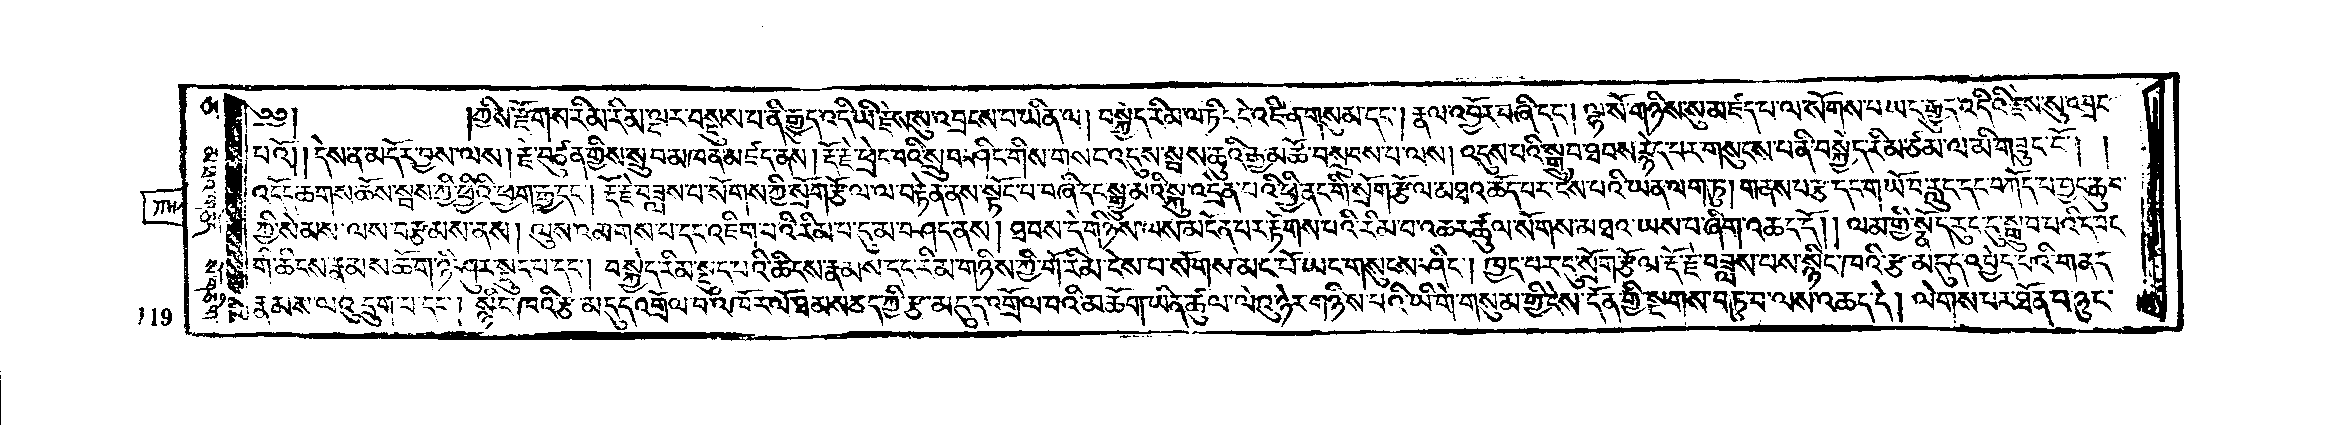༄༅། །ཀྱིས་རྫོགས་རིམ་རིམ་ལྔར་བསྡུས་པ་ནི་རྒྱུད་འདི་ཡི་རྗེས་སུ་འབྲངས་པ་ཡིན་ལ། བསྐྱེད་རིམ་ལ་ཏིང་ངེ་འཛིན་གསུམ་དང་། རྣལ་འབྱོར་བཞི་དང་། ལྷ་སོ་གཉིས་སུ་མཛད་པ་ལ་སོགས་པ་ཡང་རྒྱུད་འདིའི་རྗེས་སུ་འབྲངས་
པའོ། །དེས་ན་མདོར་བྱས་ལས། རྗེ་བཙུན་གྱིས་སྲུབ་མཁན་མཛད་ནས། རྡོ་རྗེ་ཕྲེང་བའི་སྲུབ་ཤིང་གིས་གསང་འདུས་སྦས་ཆུའི་རྒྱ་མཚོ་བསྲུབས་པ་ལས། འདུས་པའི་སྒྲུབ་ཐབས་རྙེད་པར་གསུངས་པ་ནི་བསྐྱེད་རིམ་ཙམ་ལ་མི་གཟུང་ངོ། །
འདོད་ཆགས་ཆོས་སྦས་ཀྱི་ཕྱིའི་ཕྱག་རྒྱ་དང་། རྡོ་རྗེ་བཟླས་པ་སོགས་ཀྱི་སྲོག་རྩོལ་ལ་བརྟེན་ནས་སྟོང་པ་བཞི་དང་སྒྱུ་མའི་སྐུ་འདྲེན་པའི་ཕྱི་ནང་གི་སྲོག་རྩོལ་མཐའ་ཆོད་པར་ངེས་པའི་ཡན་ལག་ཏུ། གནས་པ་རྩ་དང་གཡོ་བ་རླུང་དང་བཀོད་པ་བྱང་ཆུབ་
ཀྱི་སེམས་ལས་བརྩམས་ནས། ལུས་འཆགས་པ་དང་འཇིག་པའི་རིམ་པ་དུ་མ་བཤད་ནས། ཐབས་དེ་གཉིས་ལས་མངོན་པར་རྟོགས་པའི་རིམ་པ་འཆར་ཚུལ་སོགས་མཐའ་ཡས་པ་ཞིག་འཆད་དོ། །ལམ་གྱི་སྣོད་རུང་དུ་སྒྲུབ་པའི་དབང་
གི་ཆིངས་རྣམས་ཆོ་ག་ཉི་ཤུར་སྡུད་པ་དང་། བསྐྱེད་རིམ་སྡུད་པའི་ཆིངས་རྣམས་དང་རིམ་གཉིས་ཀྱི་གོ་རིམ་ངེས་པ་སོགས་མང་པོ་ཡང་གསུངས་ཤིང་། ཁྱད་པར་དུ་སྲོག་རྩོལ་རྡོ་རྗེ་བཟླས་པས་སྙིང་ཁའི་རྩ་མདུད་འབྱེད་པའི་གནད་
རྣམས་ལེའུ་དྲུག་པ་དང་། སྙིང་ཁའི་རྩ་མདུད་འགྲོལ་བ་འཁོར་ལོ་ཐམས་ཅད་ཀྱི་རྩ་མདུད་འགྲོལ་བའི་མཆོག་ཡིན་ཚུལ་ལེའུ་ཉེར་གཉིས་པའི་ཡི་གེ་གསུམ་གྱི་ངེས་དོན་གྱི་སྔགས་བཏུ་བ་ལས་འཆད་དེ། ལེགས་པར་ཐོན་པ་ཉུང་